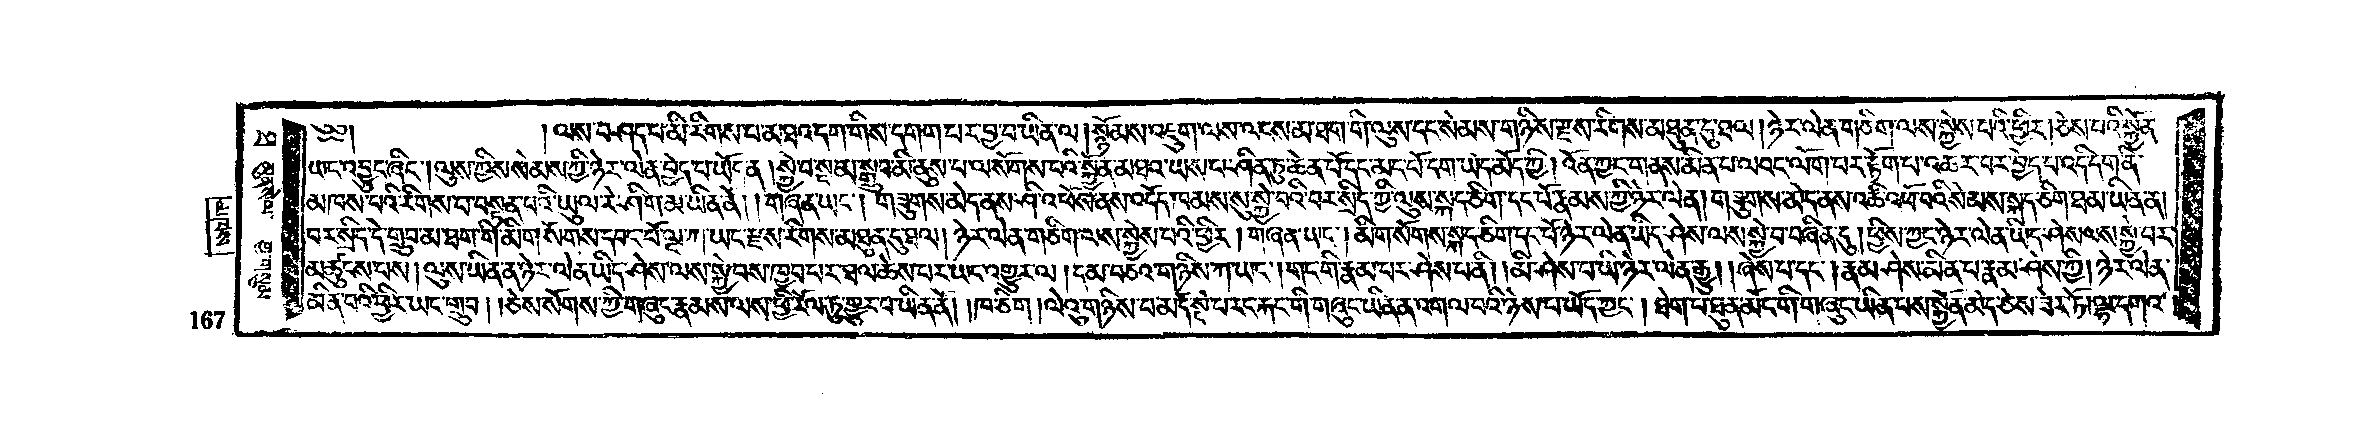༄༅། །ལས་བཤད་པ་མི་རིགས་པ་མཐའ་དག་གིས་དགག་པར་བྱ་བ་ཡིན་ལ། སྙོམས་འཇུག་ལས་ལངས་མ་ཐག་གི་ལུས་དང་སེམས་གཉིས་རྫས་རིགས་མཐུན་དུ་ཐལ། ཉེར་ལེན་གཅིག་ལས་སྐྱེས་པའི་ཕྱིར། ཅེས་པའི་སྐྱོན་
ཡང་འབྱུང་ཞིང་། ལུས་ཀྱིས་སེམས་ཀྱི་ཉེར་ལེན་བྱེད་པ་ཡོད་ན། སྐྱེ་བ་སྔ་མ་སྒྲུབ་མི་ནུས་པ་ལ་སོགས་པའི་སྐྱོན་མཐའ་ཡས་པ་ཤིན་ཏུ་ཆེན་པོ་དང་མང་པོ་དག་ཡོད་མོད་ཀྱི། འོན་ཀྱང་གནས་མིན་པ་ལའང་ལོག་པར་རྟོག་པ་འཆར་བར་བྱེད་པ་འདི་དག་ནི་
མཁས་པའི་རིགས་པ་བསྟན་པའི་ཡུལ་རེ་ཤིག་མ་ཡིན་ནོ། །གཞན་ཡང་། གཟུགས་མེད་ནས་ཤི་འཕོས་ནས་འདོད་ཁམས་སུ་སྐྱེ་བའི་བར་སྲིད་ཀྱི་ལུས་སྐད་ཅིག་དང་པོ་རྣམས་ཀྱི་ཉེར་ལེན། གཟུགས་མེད་ནས་འཆི་འཕོ་བའི་སེམས་སྐད་ཅིག་ཐ་མ་ཡིན་ན།
བར་སྲིད་དེ་གྲུབ་མ་ཐག་གི་མིག་སོགས་དབང་པོ་ལྔ་ཀ་ཡང་རྫས་རིགས་མཐུན་དུ་ཐལ། ཉེར་ལེན་གཅིག་ལས་སྐྱེས་པའི་ཕྱིར། གཞན་ཡང་། མིག་སོགས་སྐད་ཅིག་དང་པོ་ཉེར་ལེན་ཡིད་ཤེས་ལས་སྐྱེ་བ་བཞིན་དུ། ཕྱིས་ཀྱང་ཉེར་ལེན་ཡིད་ཤེས་ལས་སྐྱེ་བར་
མཚུངས་པས། ལུས་ཡིན་ན་ཉེར་ལེན་ཡིད་ཤེས་ལས་སྐྱེ་བས་ཁྱབ་པར་ཐལ་ཆེས་པར་ཡང་འགྱུར་ལ། དམ་བཅའ་གཉིས་ཀ་ཡང་། གང་གི་རྣམ་པར་ཤེས་པ་ནི། །མི་ཤེས་པ་ཡི་ཉེར་ལེན་རྒྱུ། །ཞེས་པ་དང་། རྣམ་ཤེས་མིན་པ་རྣམ་ཤེས་ཀྱི། ཉེར་ལེན་
མིན་པའི་ཕྱིར་ཡང་གྲུབ། །ཅེས་སོགས་ཀྱི་གཞུང་རྣམས་ལས་ཕྱི་རོལ་ཏུ་གྱུར་པ་ཡིན་ནོ། །ཁ་ཅིག །ལེའུ་གཉིས་པ་མདོ་སྡེ་པ་རང་རྐང་གི་གཞུང་ཡིན་ན་འགལ་བའི་ཉེས་པ་ཡོད་ཀྱང་། ཐེག་པ་ཐུན་མོང་གི་གཞུང་ཡིན་པས་སྐྱོན་མེད་ཅེས་ཟེར་ཏོ། ལྷ་དགའ་